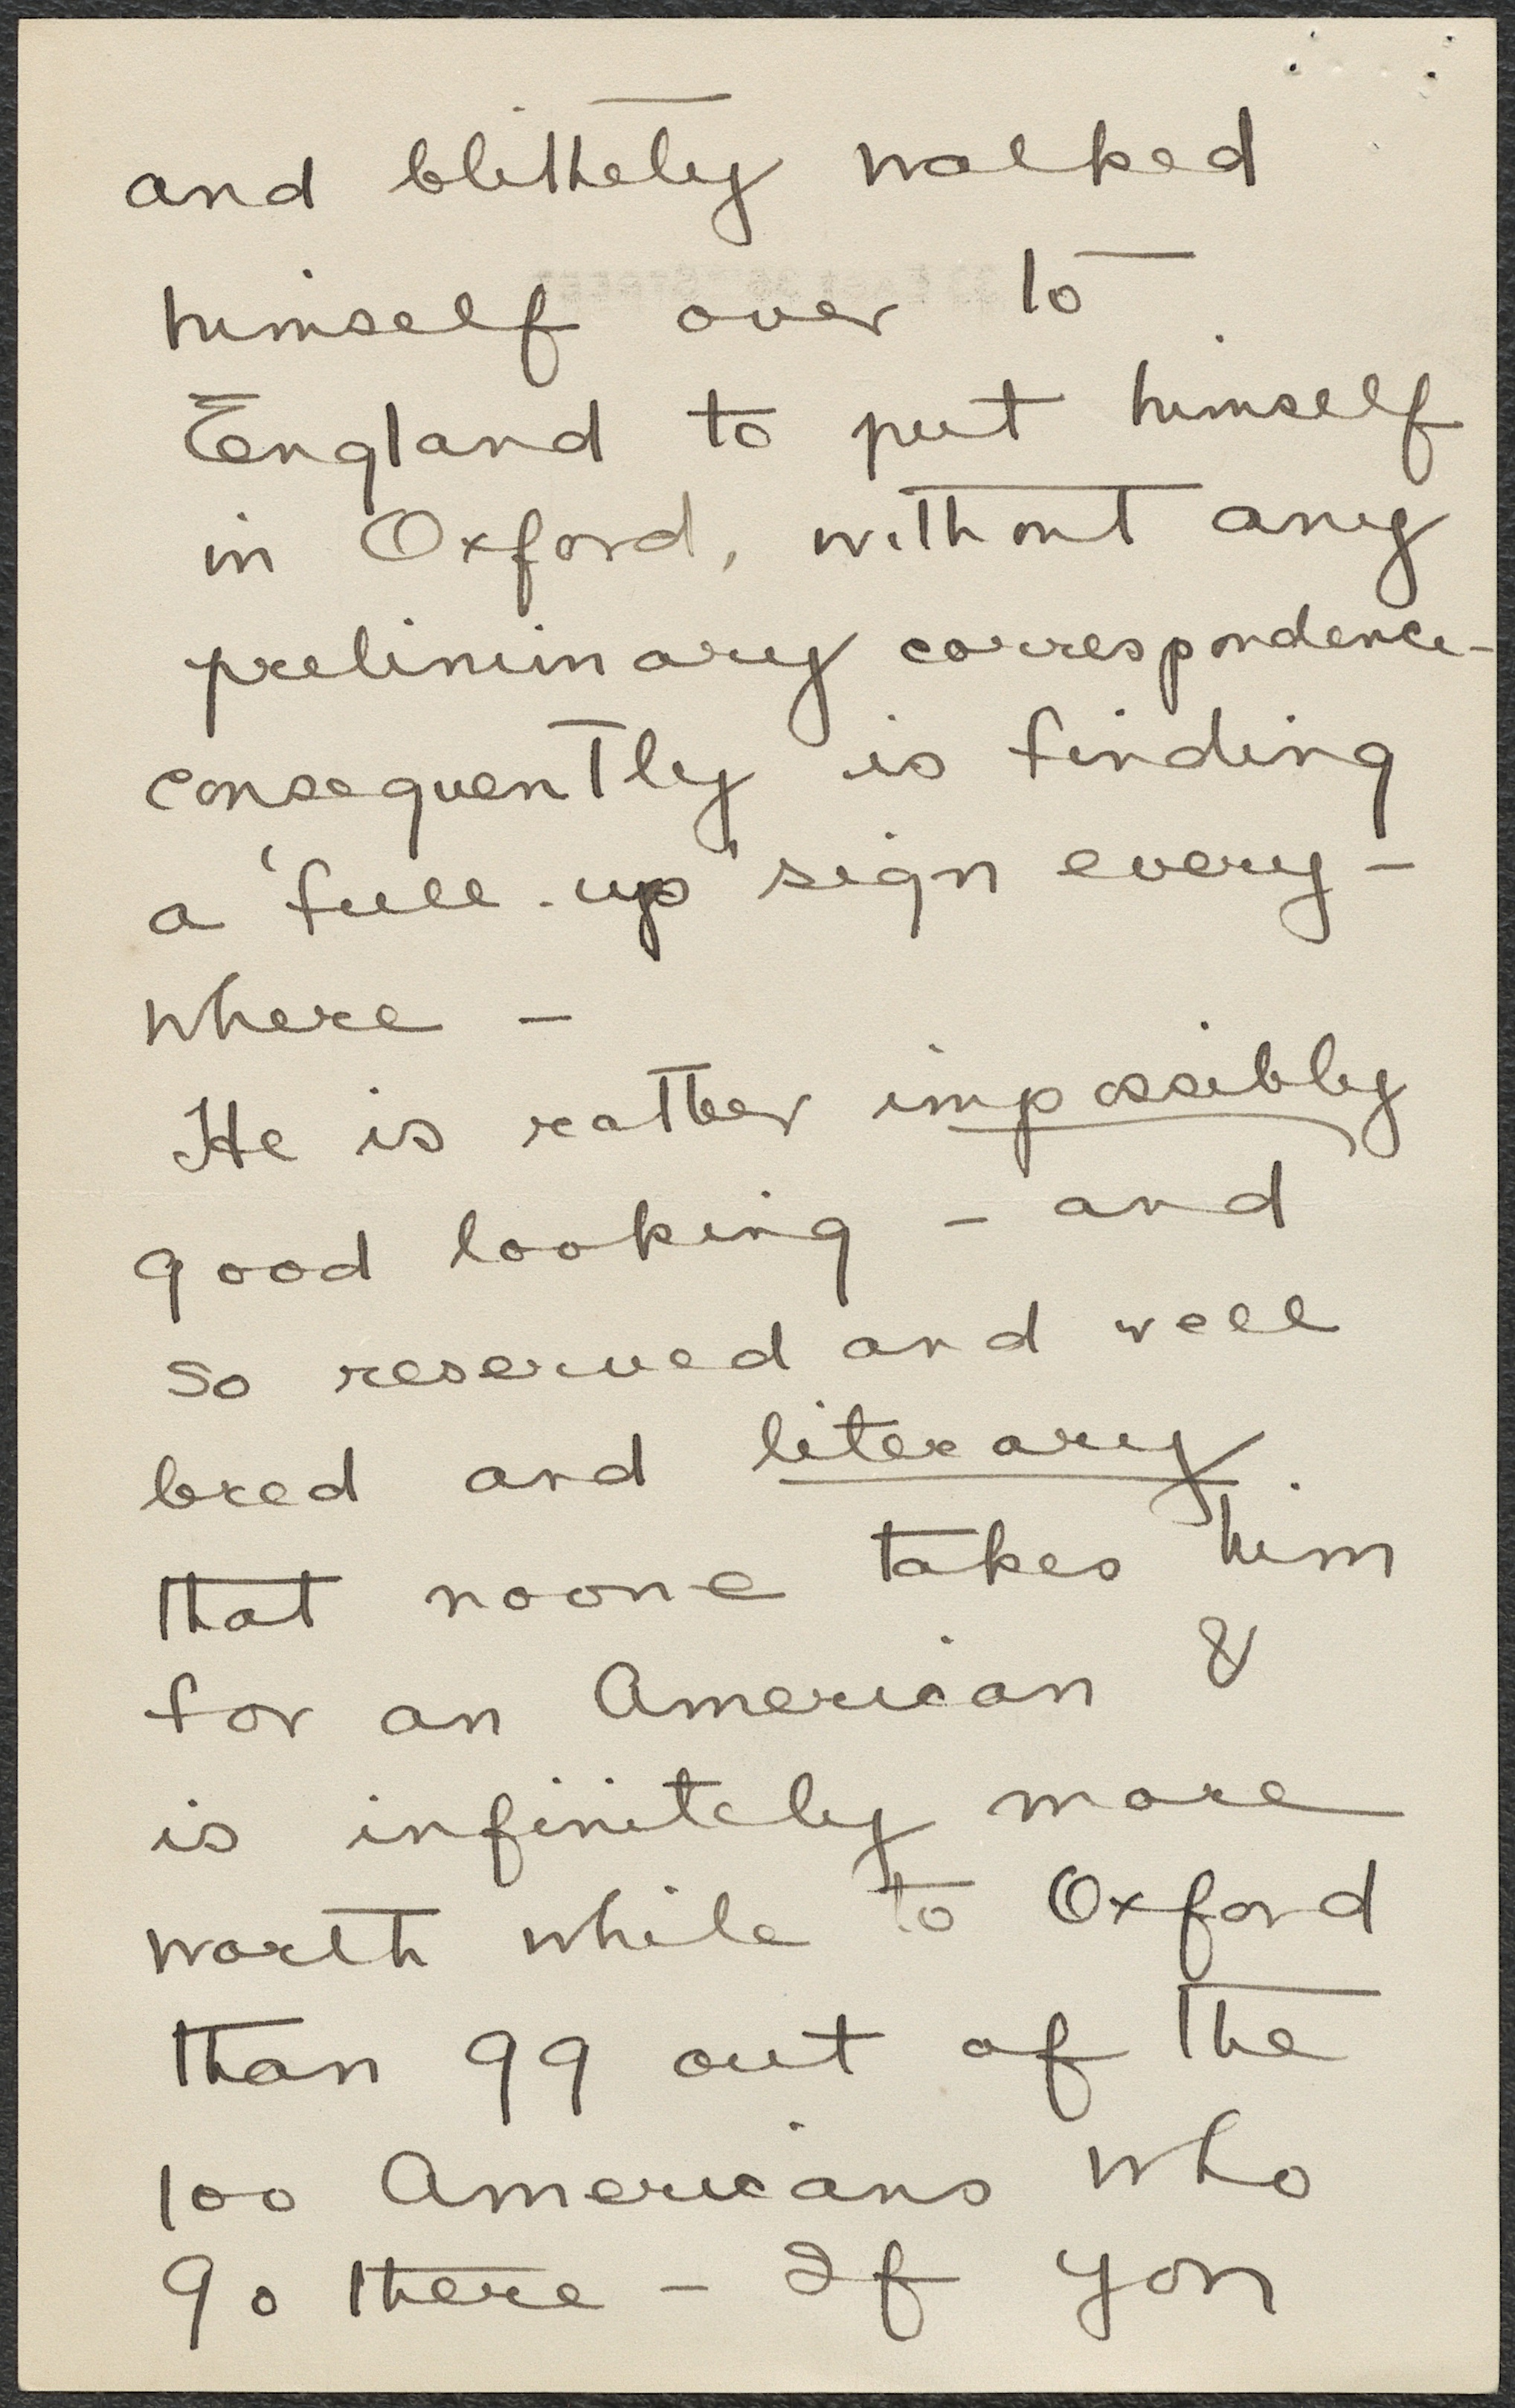and blithely walked himself over to England to put himself in Oxford, without any preliminary correspondence – consequently is finding a ‘full-up’ sign everywhere –
He is rather impossibly good looking – and so reserved and well bred and literary that noone [sic] takes him for an American & is infinitely more worth while [sic] to Oxford than 99 out of the 100 Americans who go there – If you